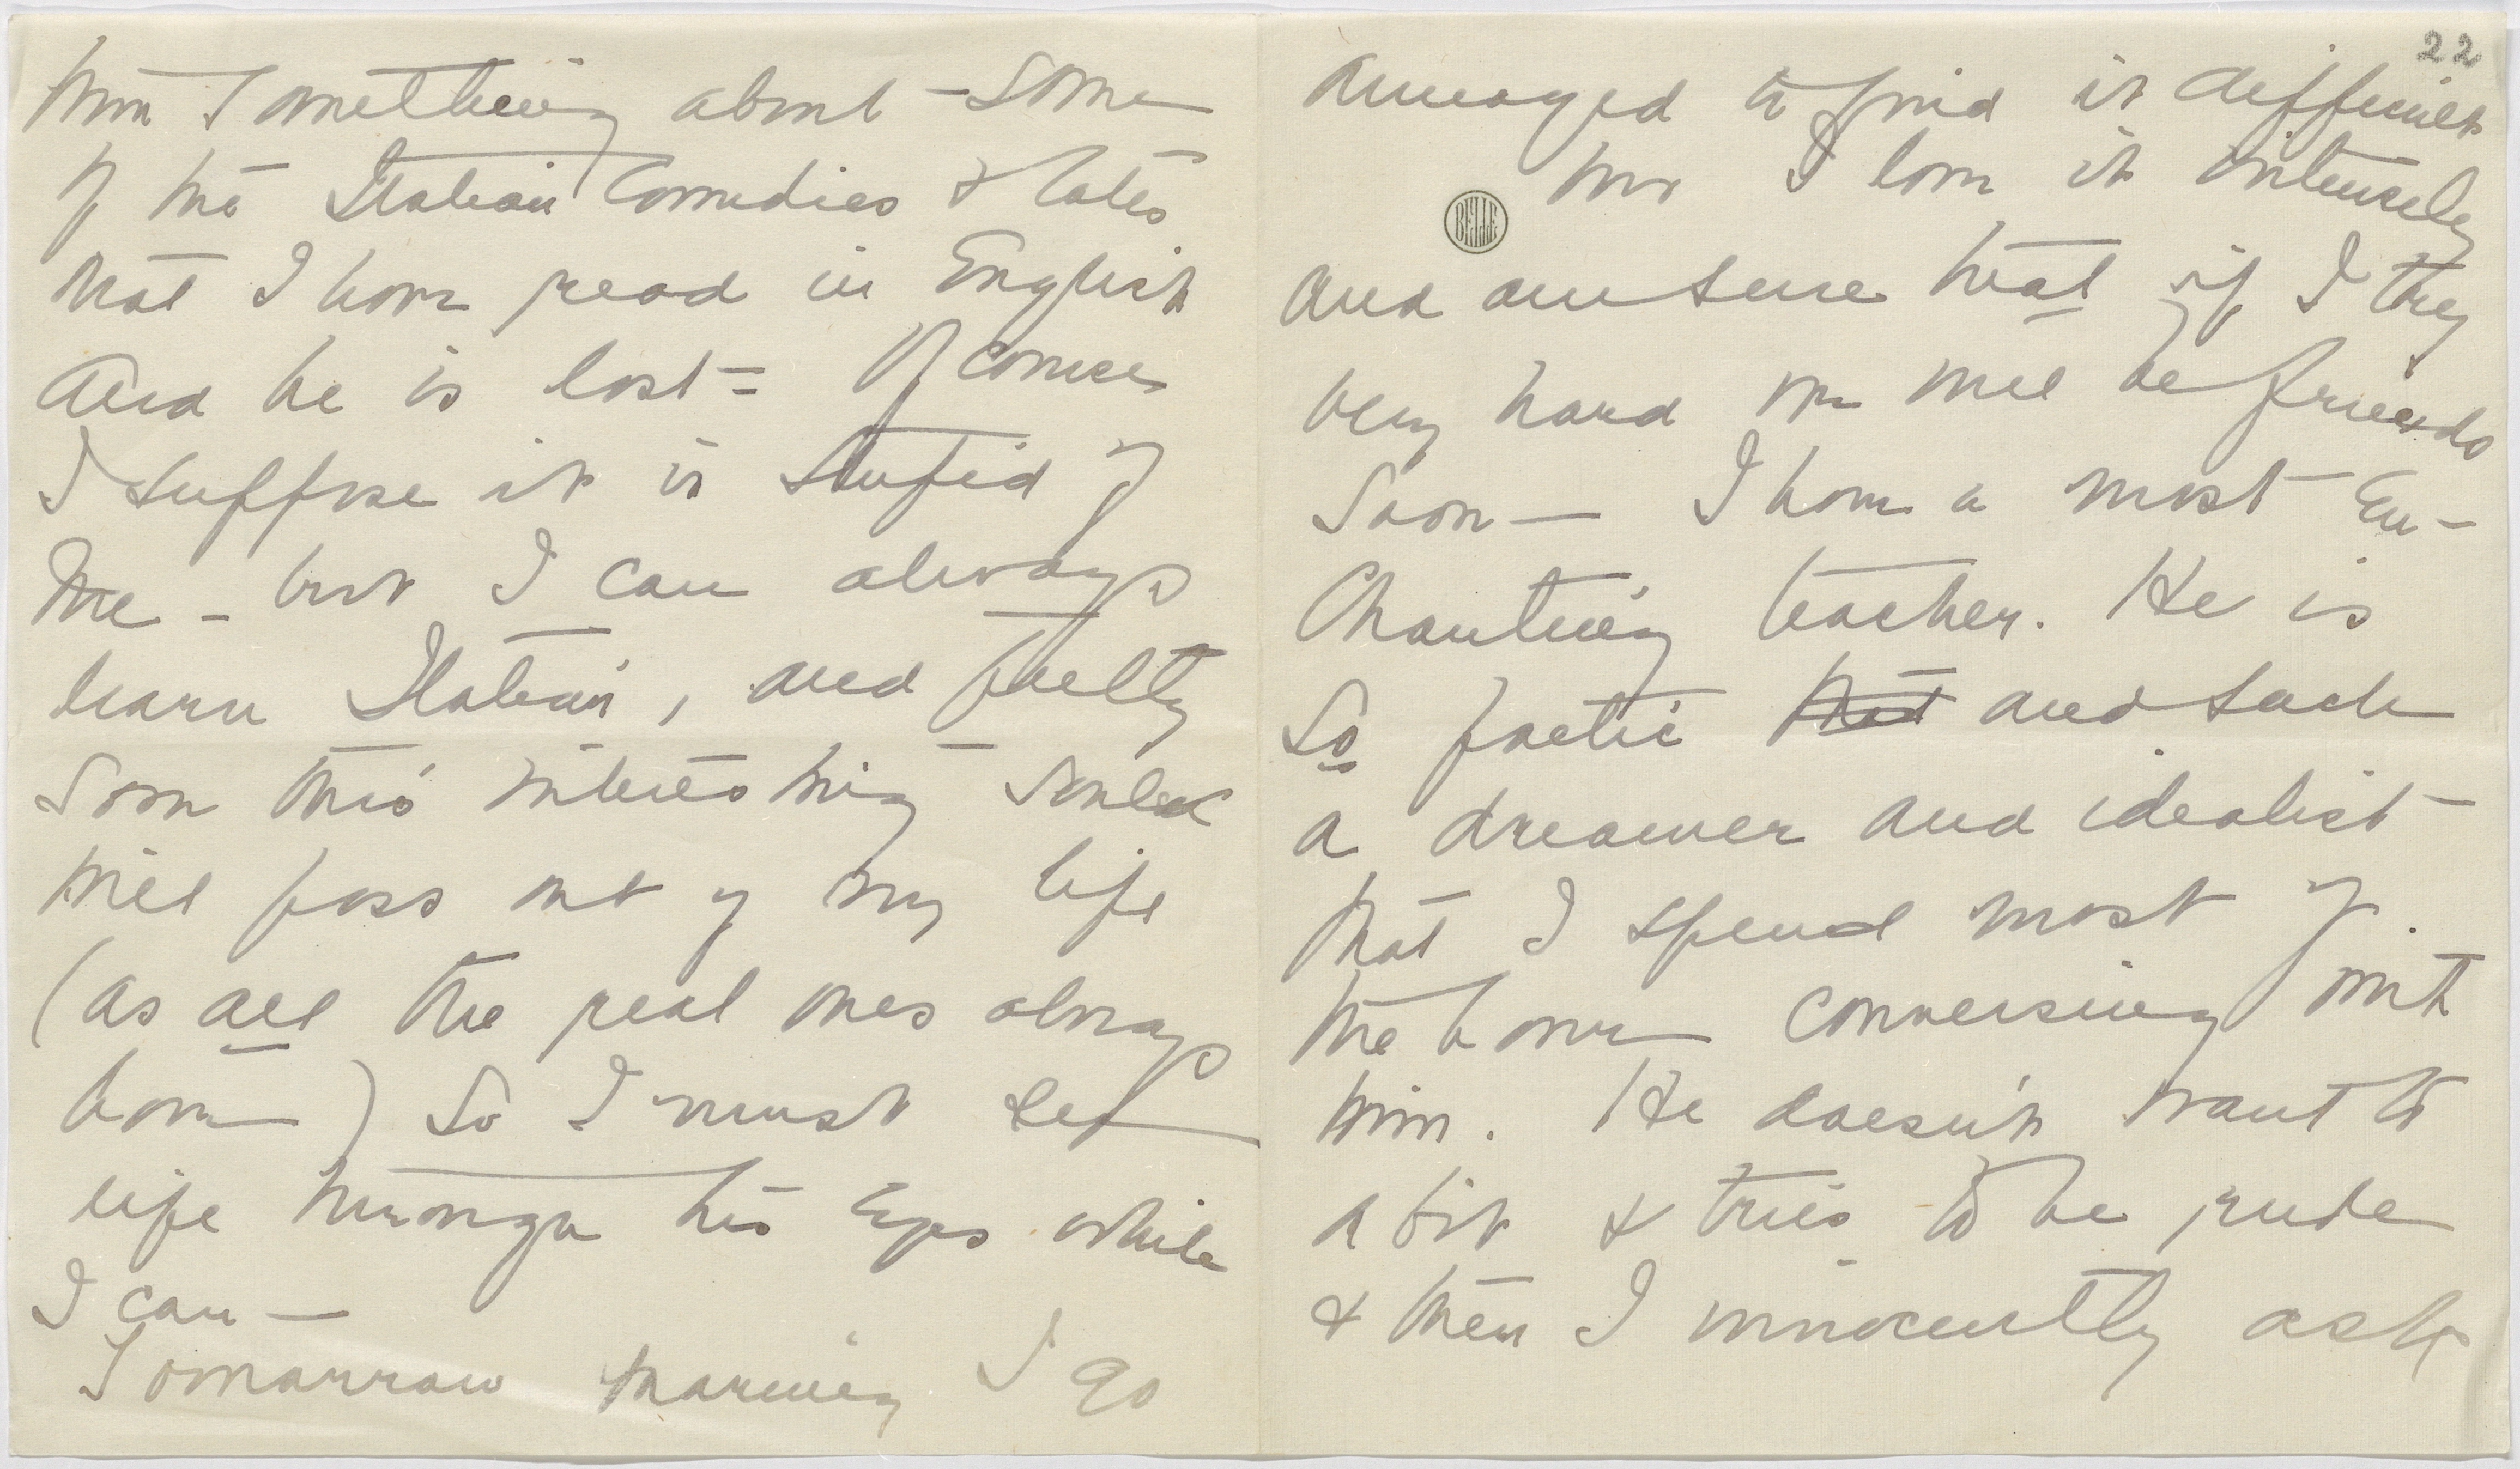amazed to find it difficult but I love it intensely and am sure that if I try very hard we will be friends soon – I have a most enchanting teacher. He is so poetic that and such a dreamer and idealist that I spent most of the hour conversing with him. He doesn’t want to a bit & tries to be rude & then I innocently ask
him something about some of the Italian comedies & tales that I have read in English and he is lost – of course I suppose it is stupid of me – but I can always learn Italian, and pretty soon this interesting soul will pass out of my life (as all the real ones always have) so I must see life through his eyes while I can –
Tomorrow morning I go